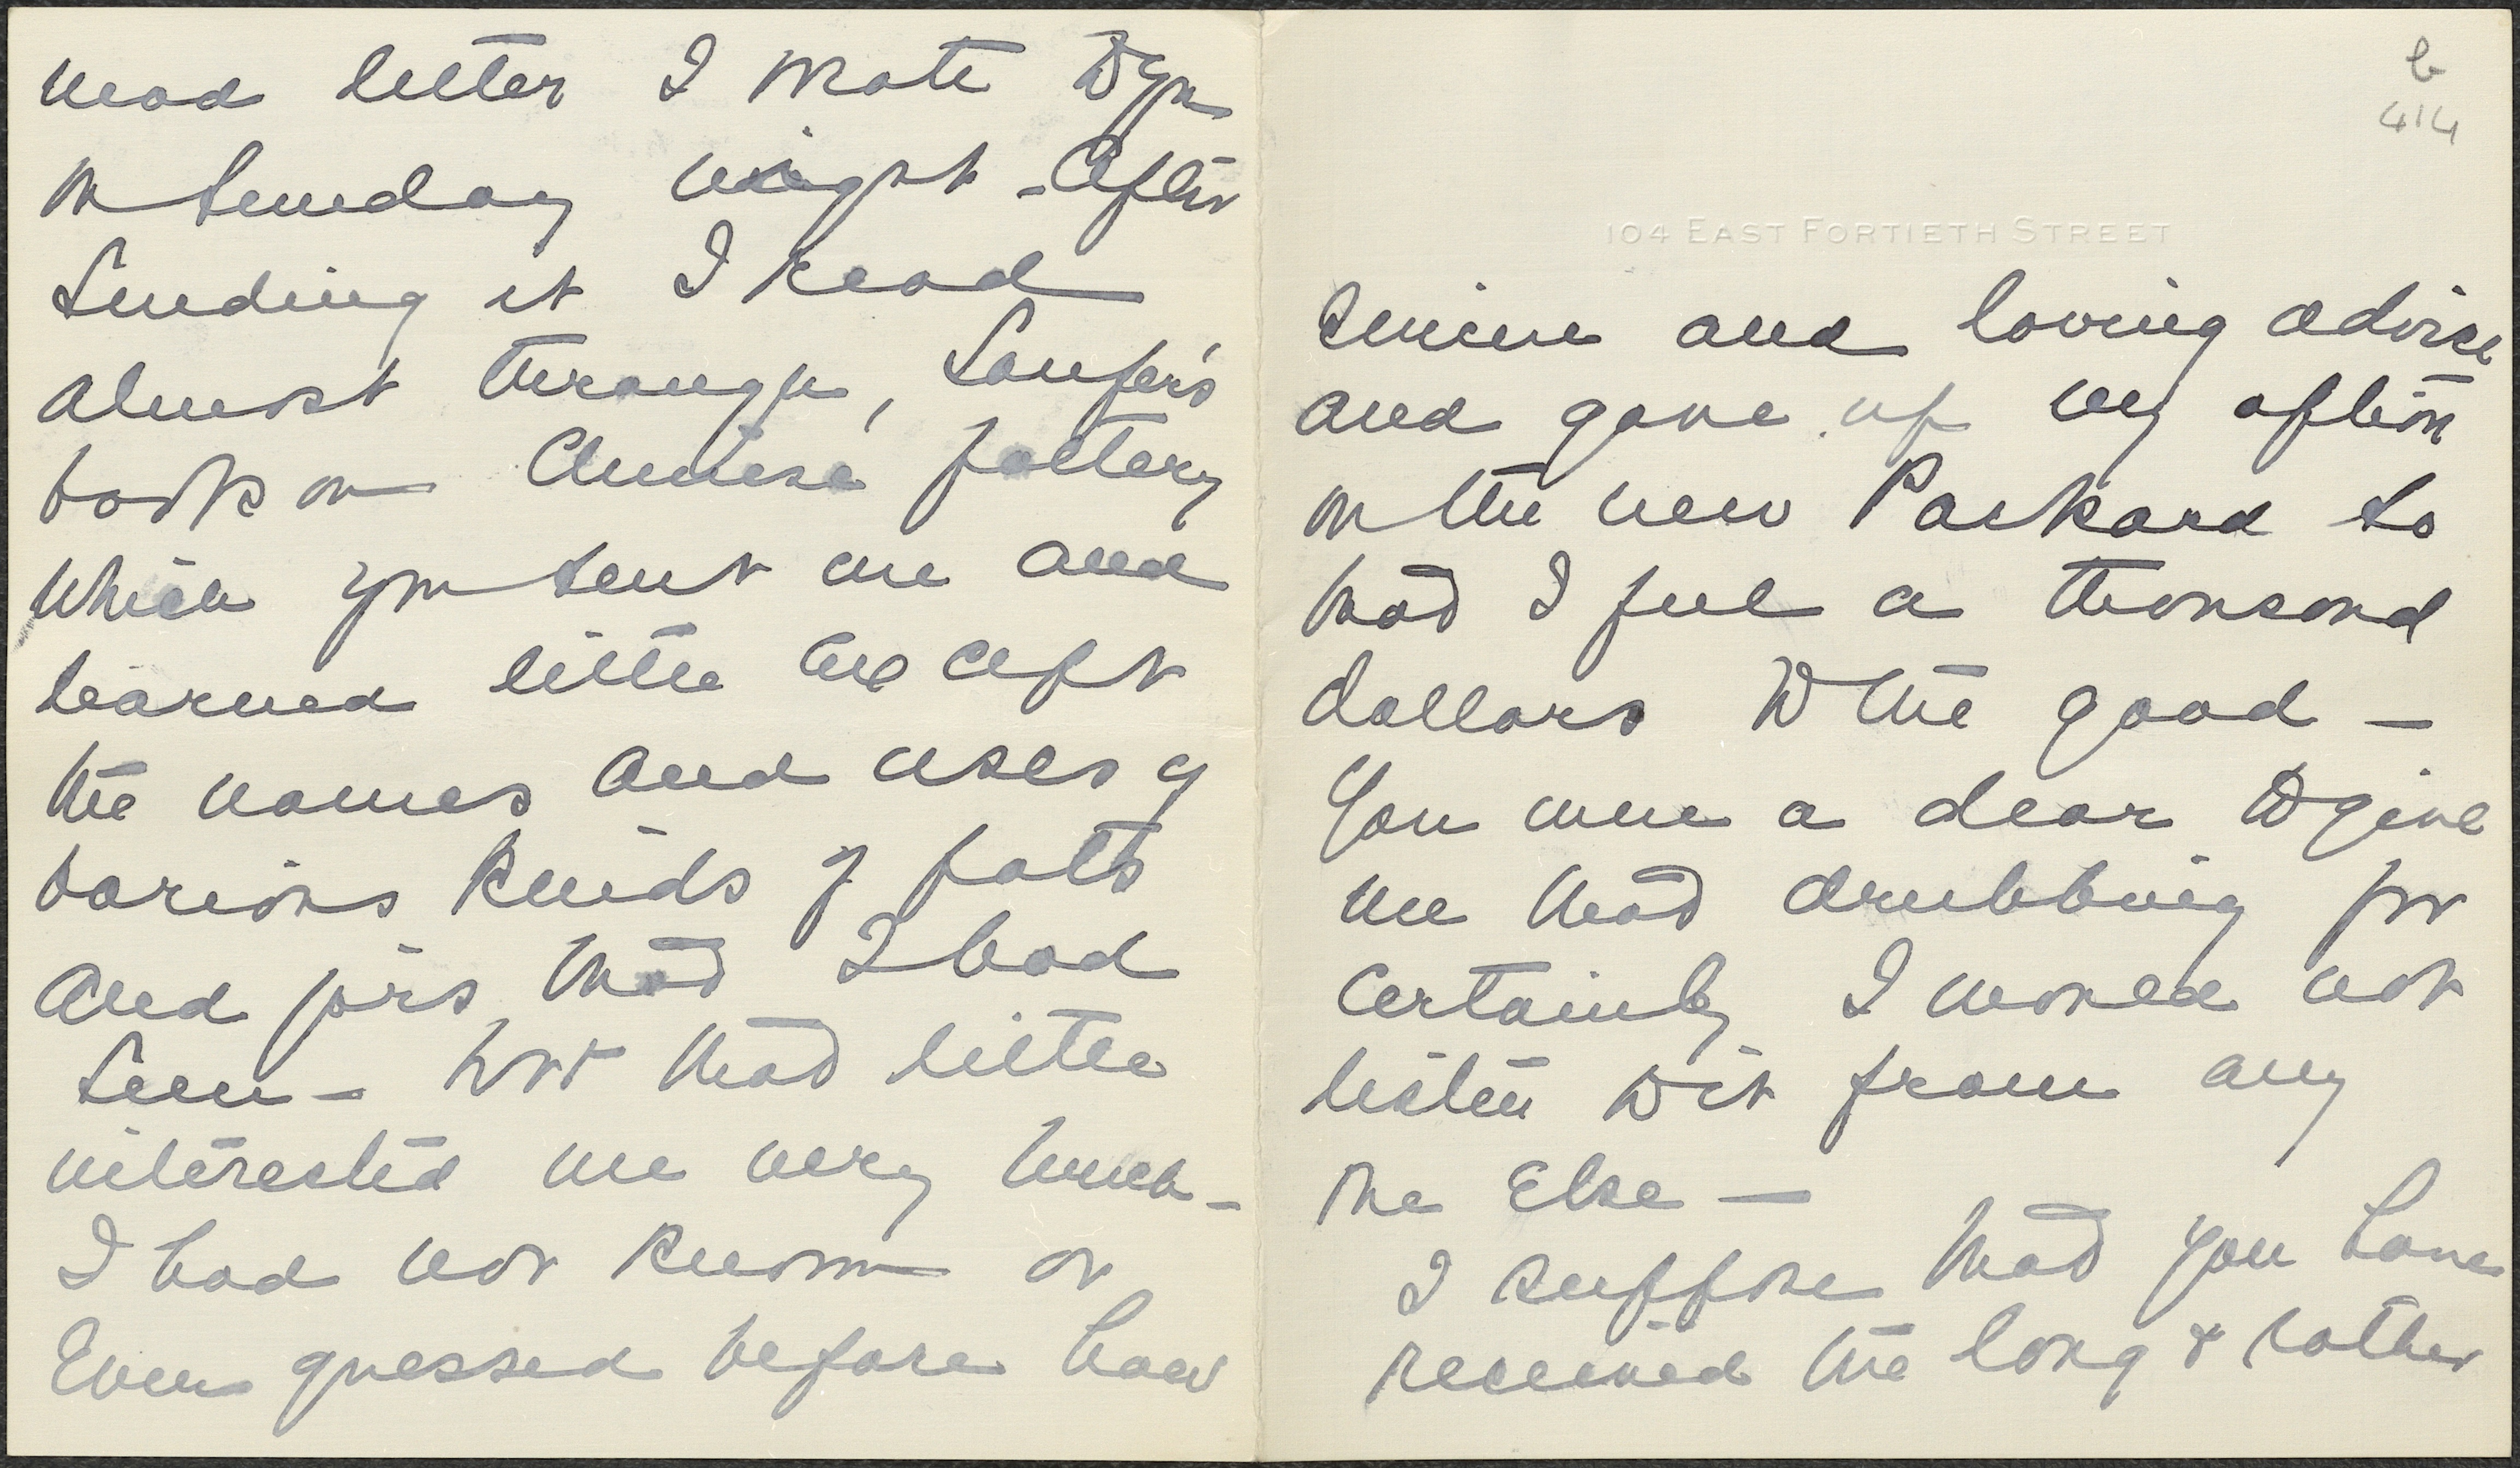sincere and loving advice and gave up my option on the new Packard so that I put a thousand dollars to the good – You were a dear to give me that drubbing for certainly I would not listen to it from any one else –
I suppose that you have received the long & rather
mad letter I wrote to you on Sunday night – After sending it I read almost through Laufer’s book on Chinese pottery which you sent me and learned little except the names and uses of various kinds of pots and jars that I had seen – but that little interested me very much – I had not known or ever guessed before how